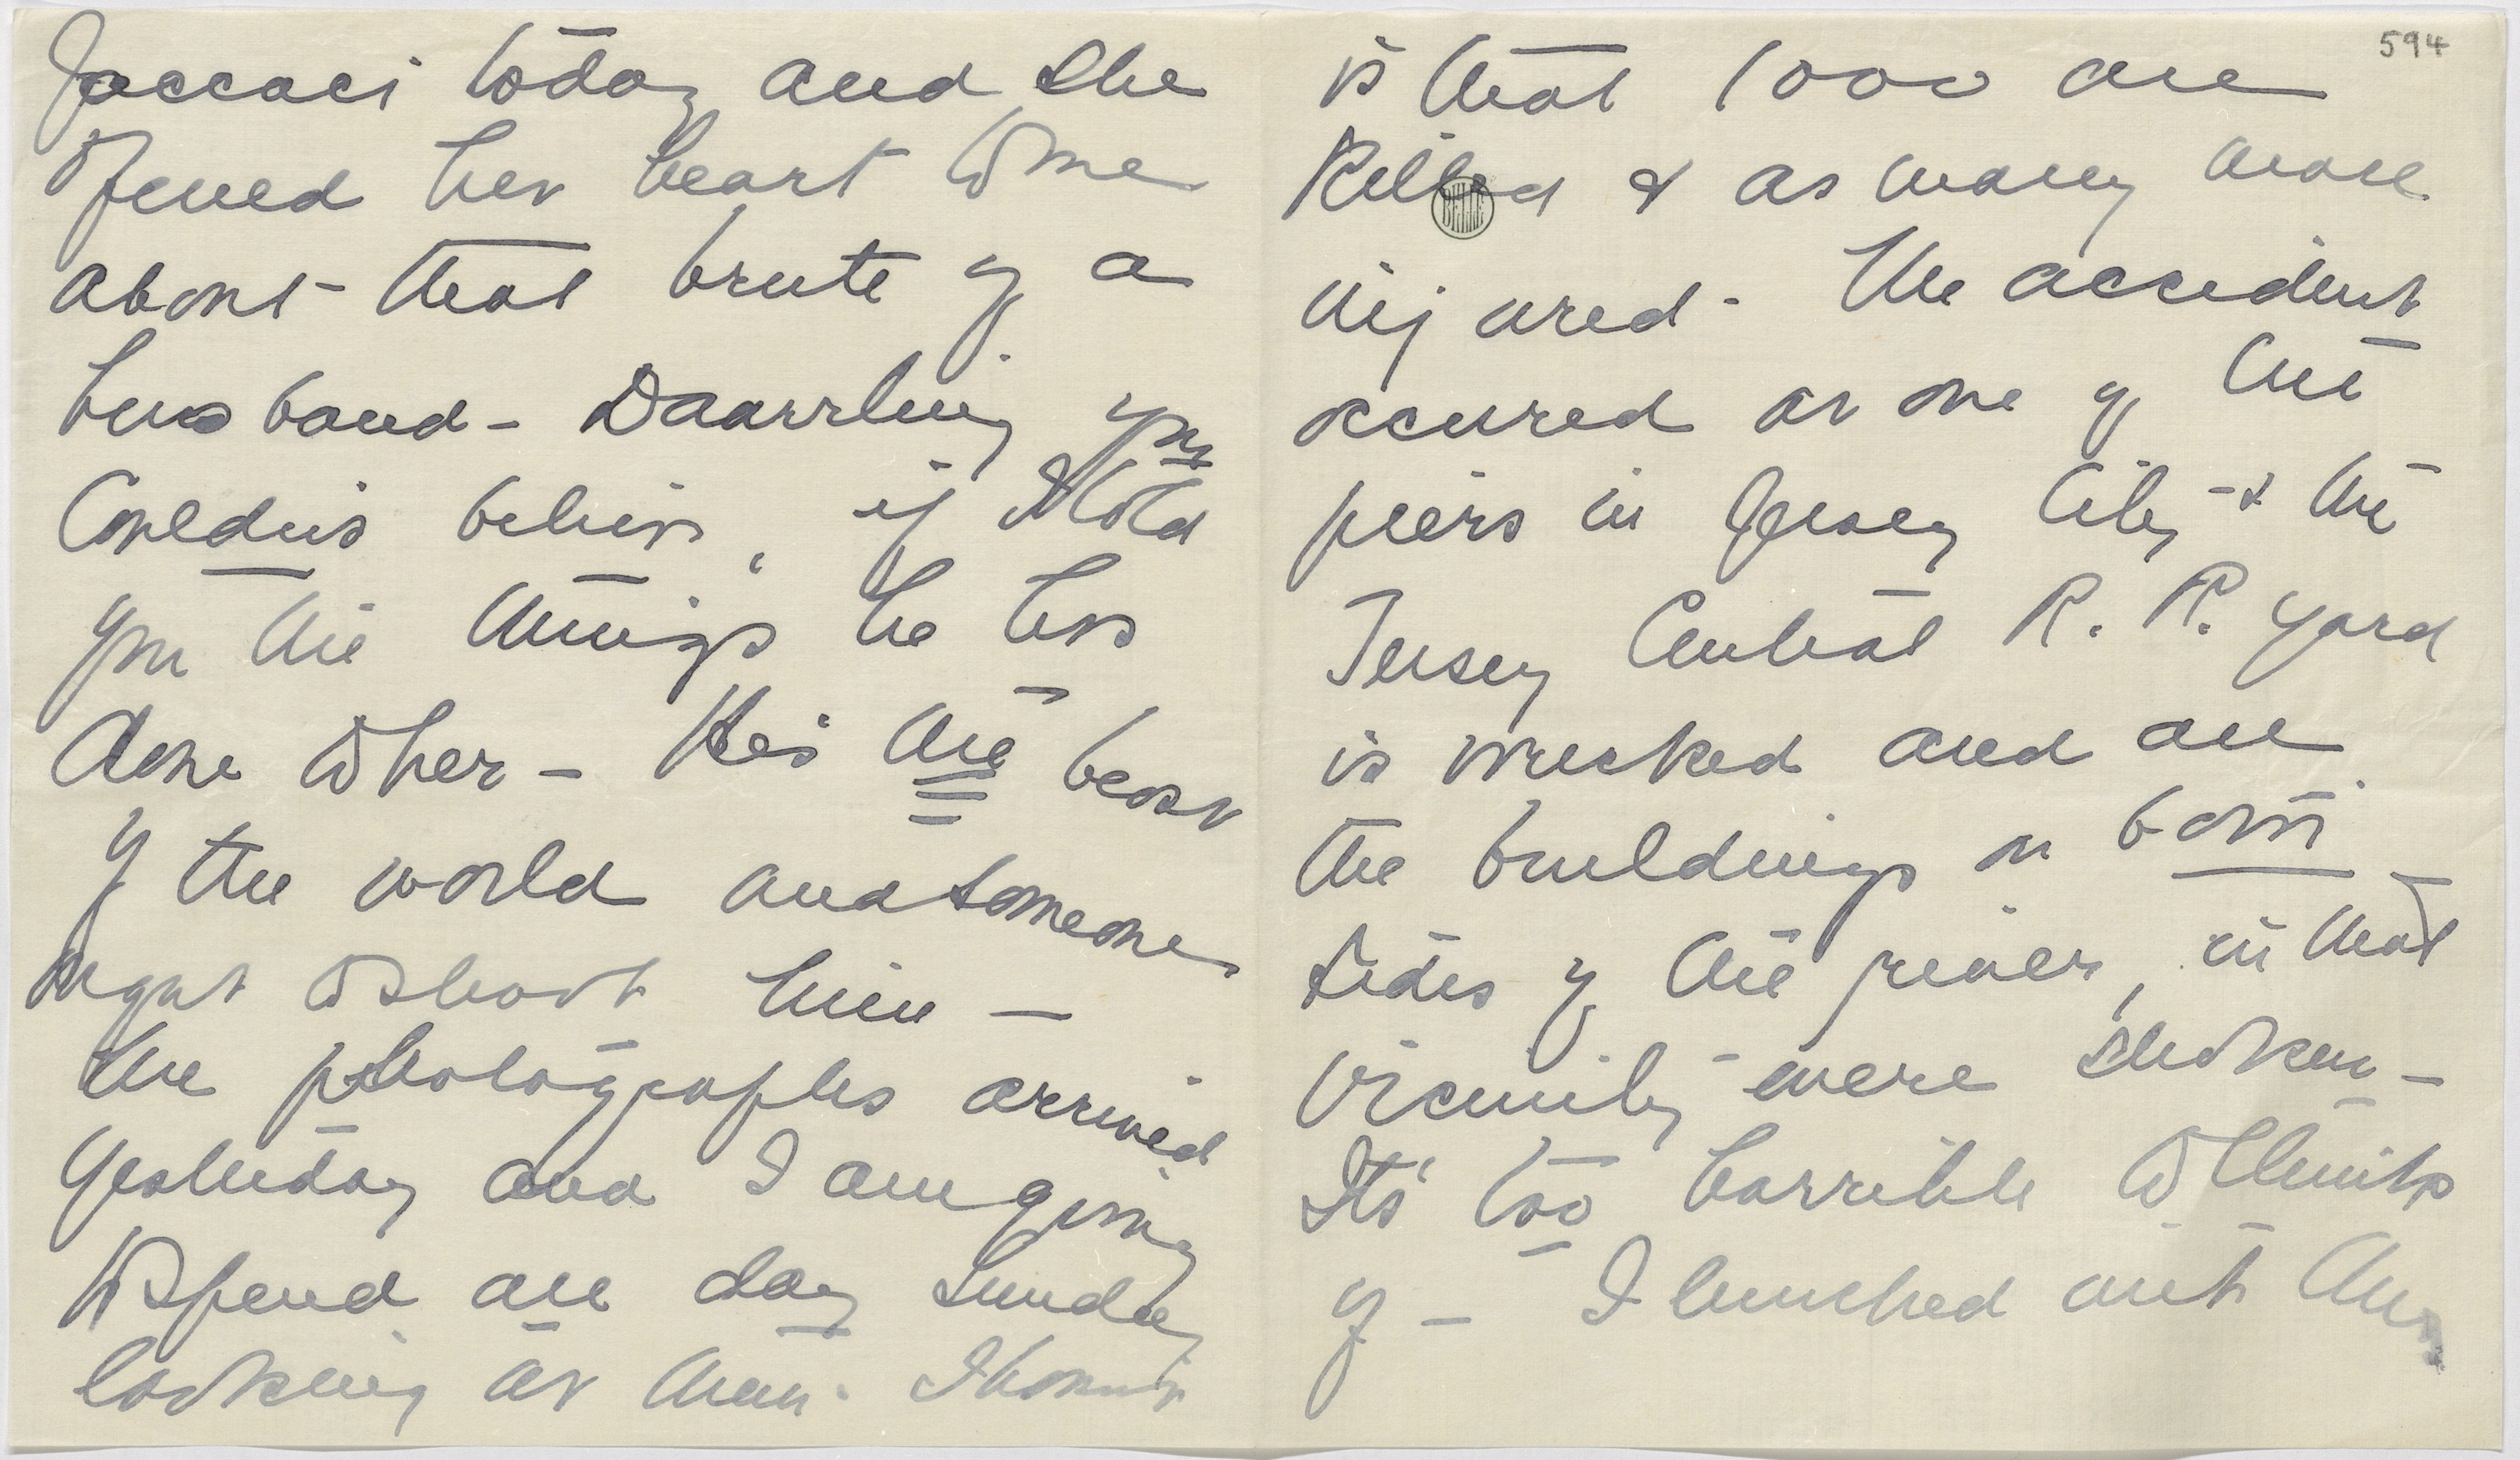is that 1000 are killed & as many more injured – The accident occured [sic] at one of the piers in Jersey City & the Jersey Central R.R. yard is wrecked and all the buildings on both sides of the river, in that vicinity were shaken – It’s too horrible to think of – I lunched with Mrs.
Jaccaci today and she opened her heart to me about that brute of a husband – Daarrling you couldn’t believe, if I told you the things he has done to her – He’s [triple underlined: the] beast of the world and someone ought to shoot him –
The photographs arrived yesterday and I am going to spend all day Sunday looking at them. I haven’t